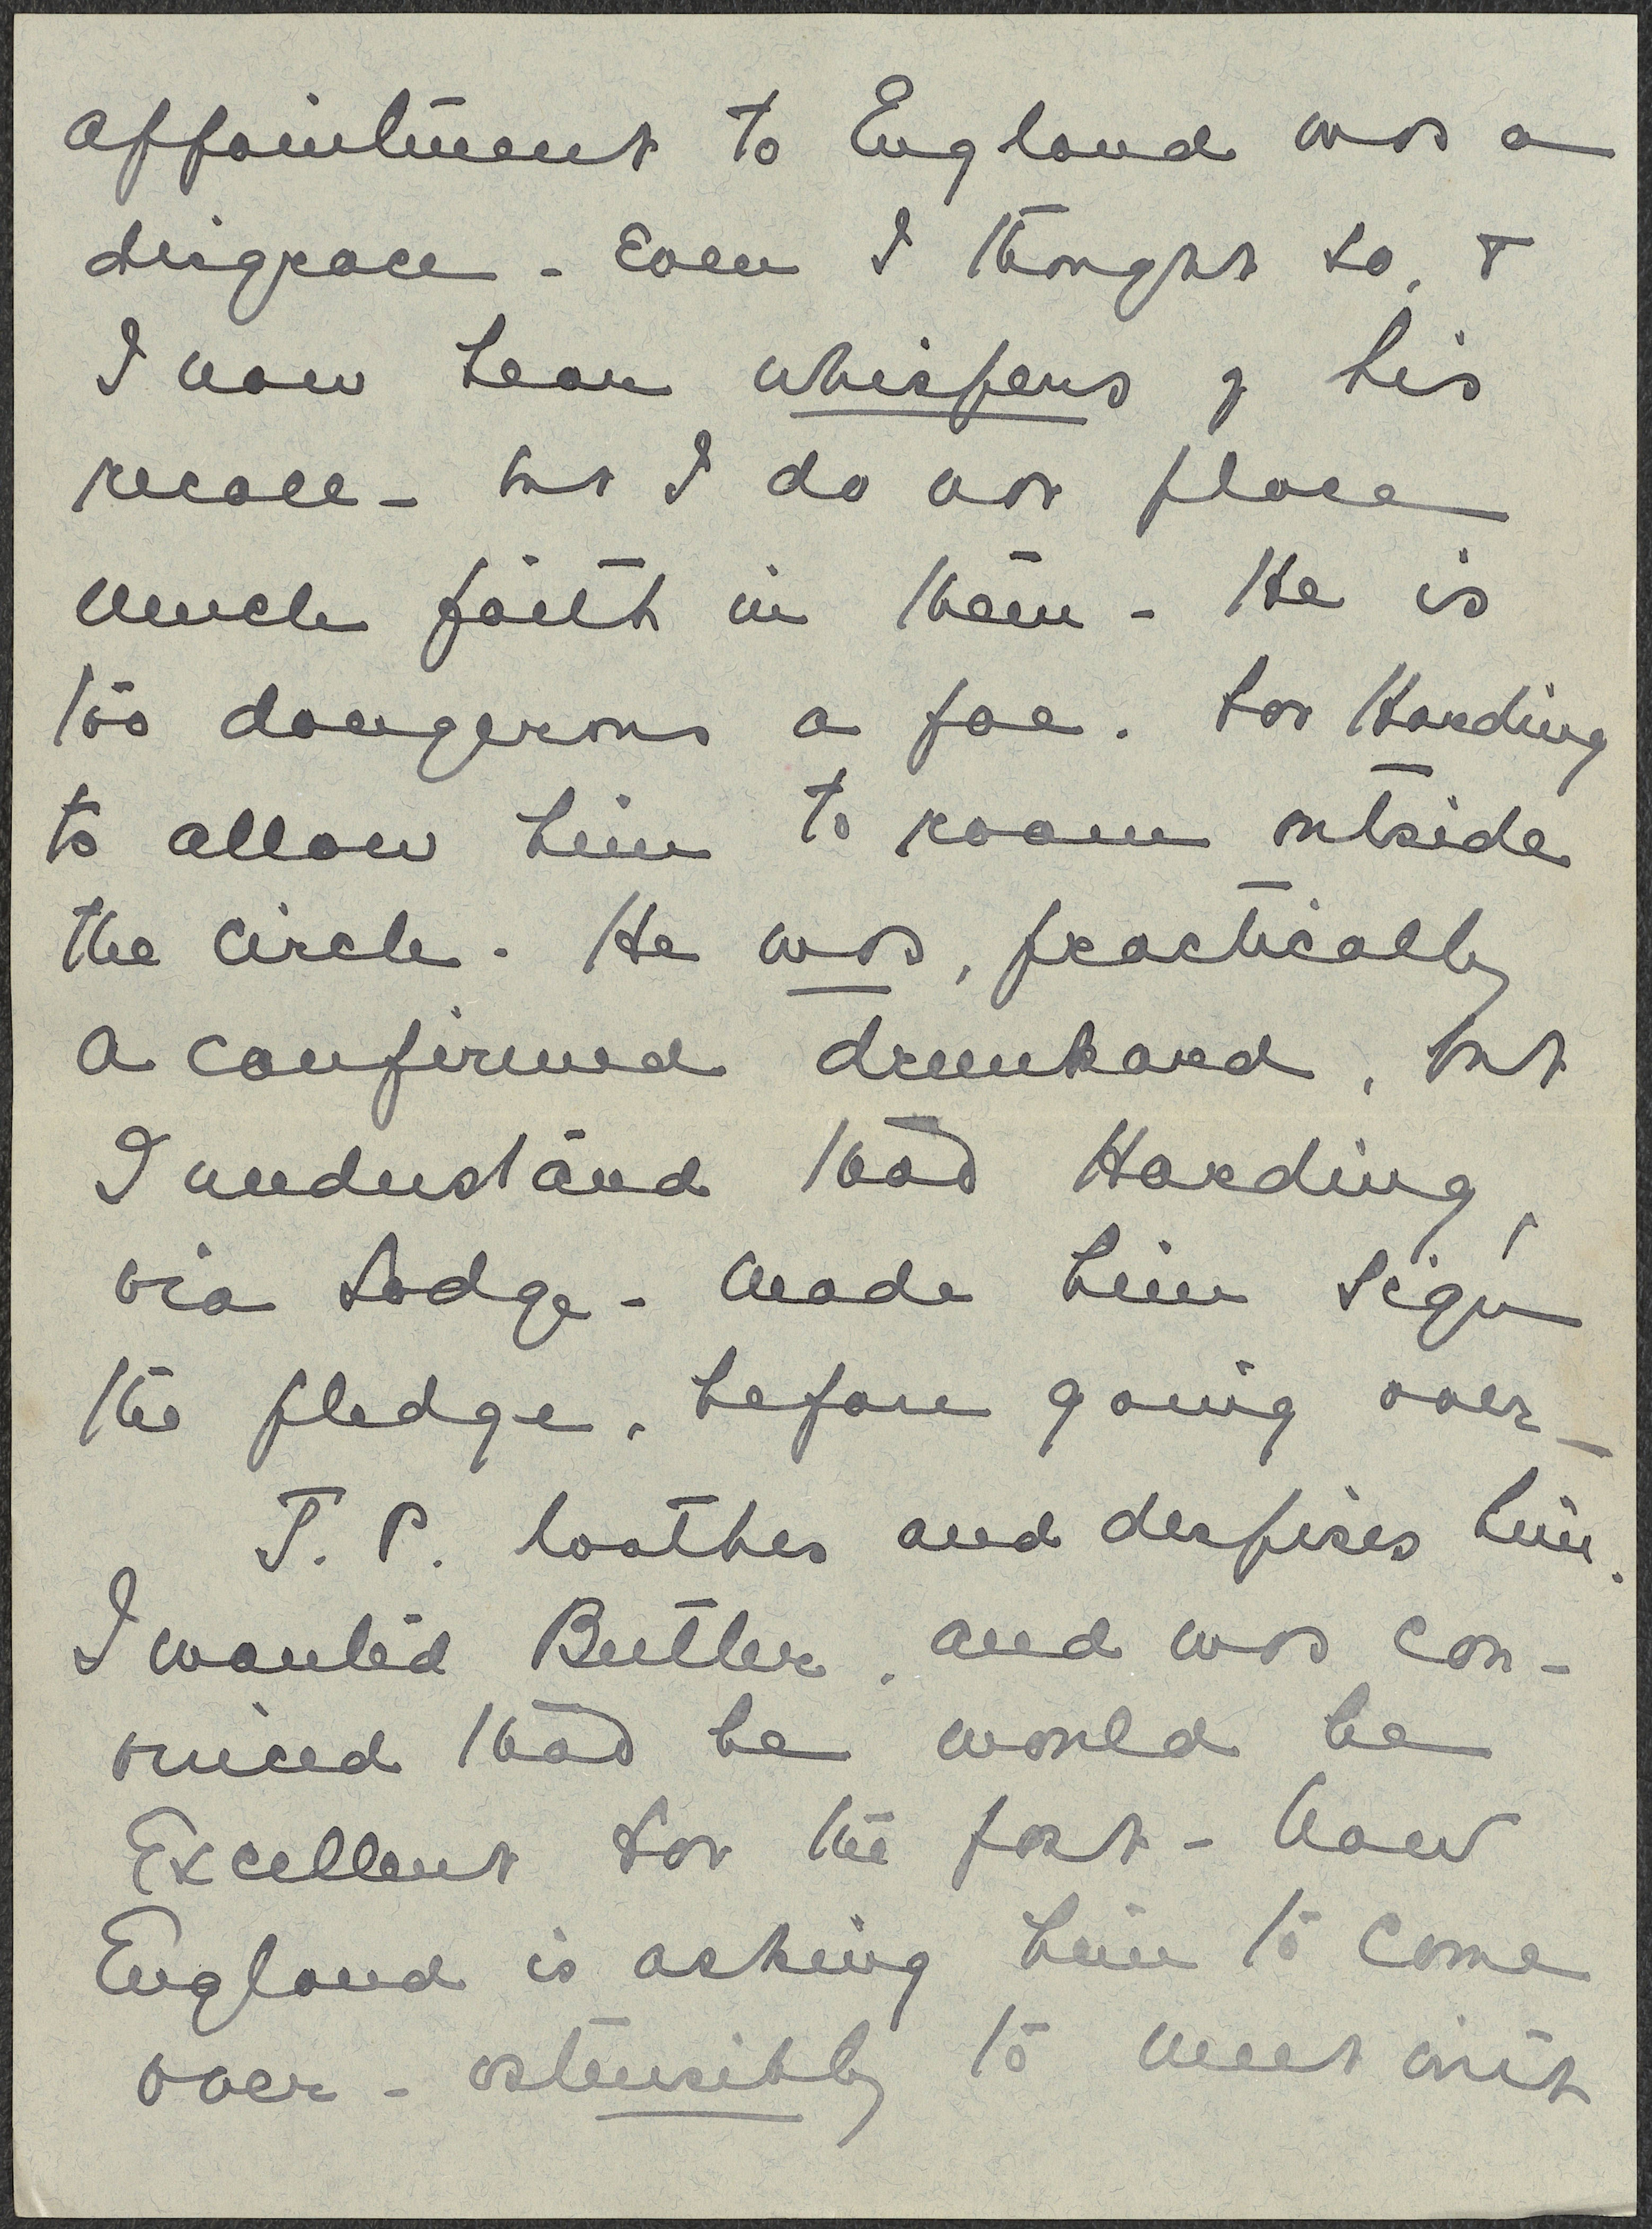appointment to England was a disgrace – Even I thought so, & I now hear whispers of his recall – but I do not place much faith in them – He is too dangerous a foe, for Harding to allow him to roam outside the circle. He was, practically a confirmed drunkard, but I understand that Harding, via Lodge – made him sign the pledge, before going over –
J. P. loathes and despises him. I wanted Butler, and was convinced that he would be Excellent for the post – Now England is asking him to come over – ostensibly to meet with